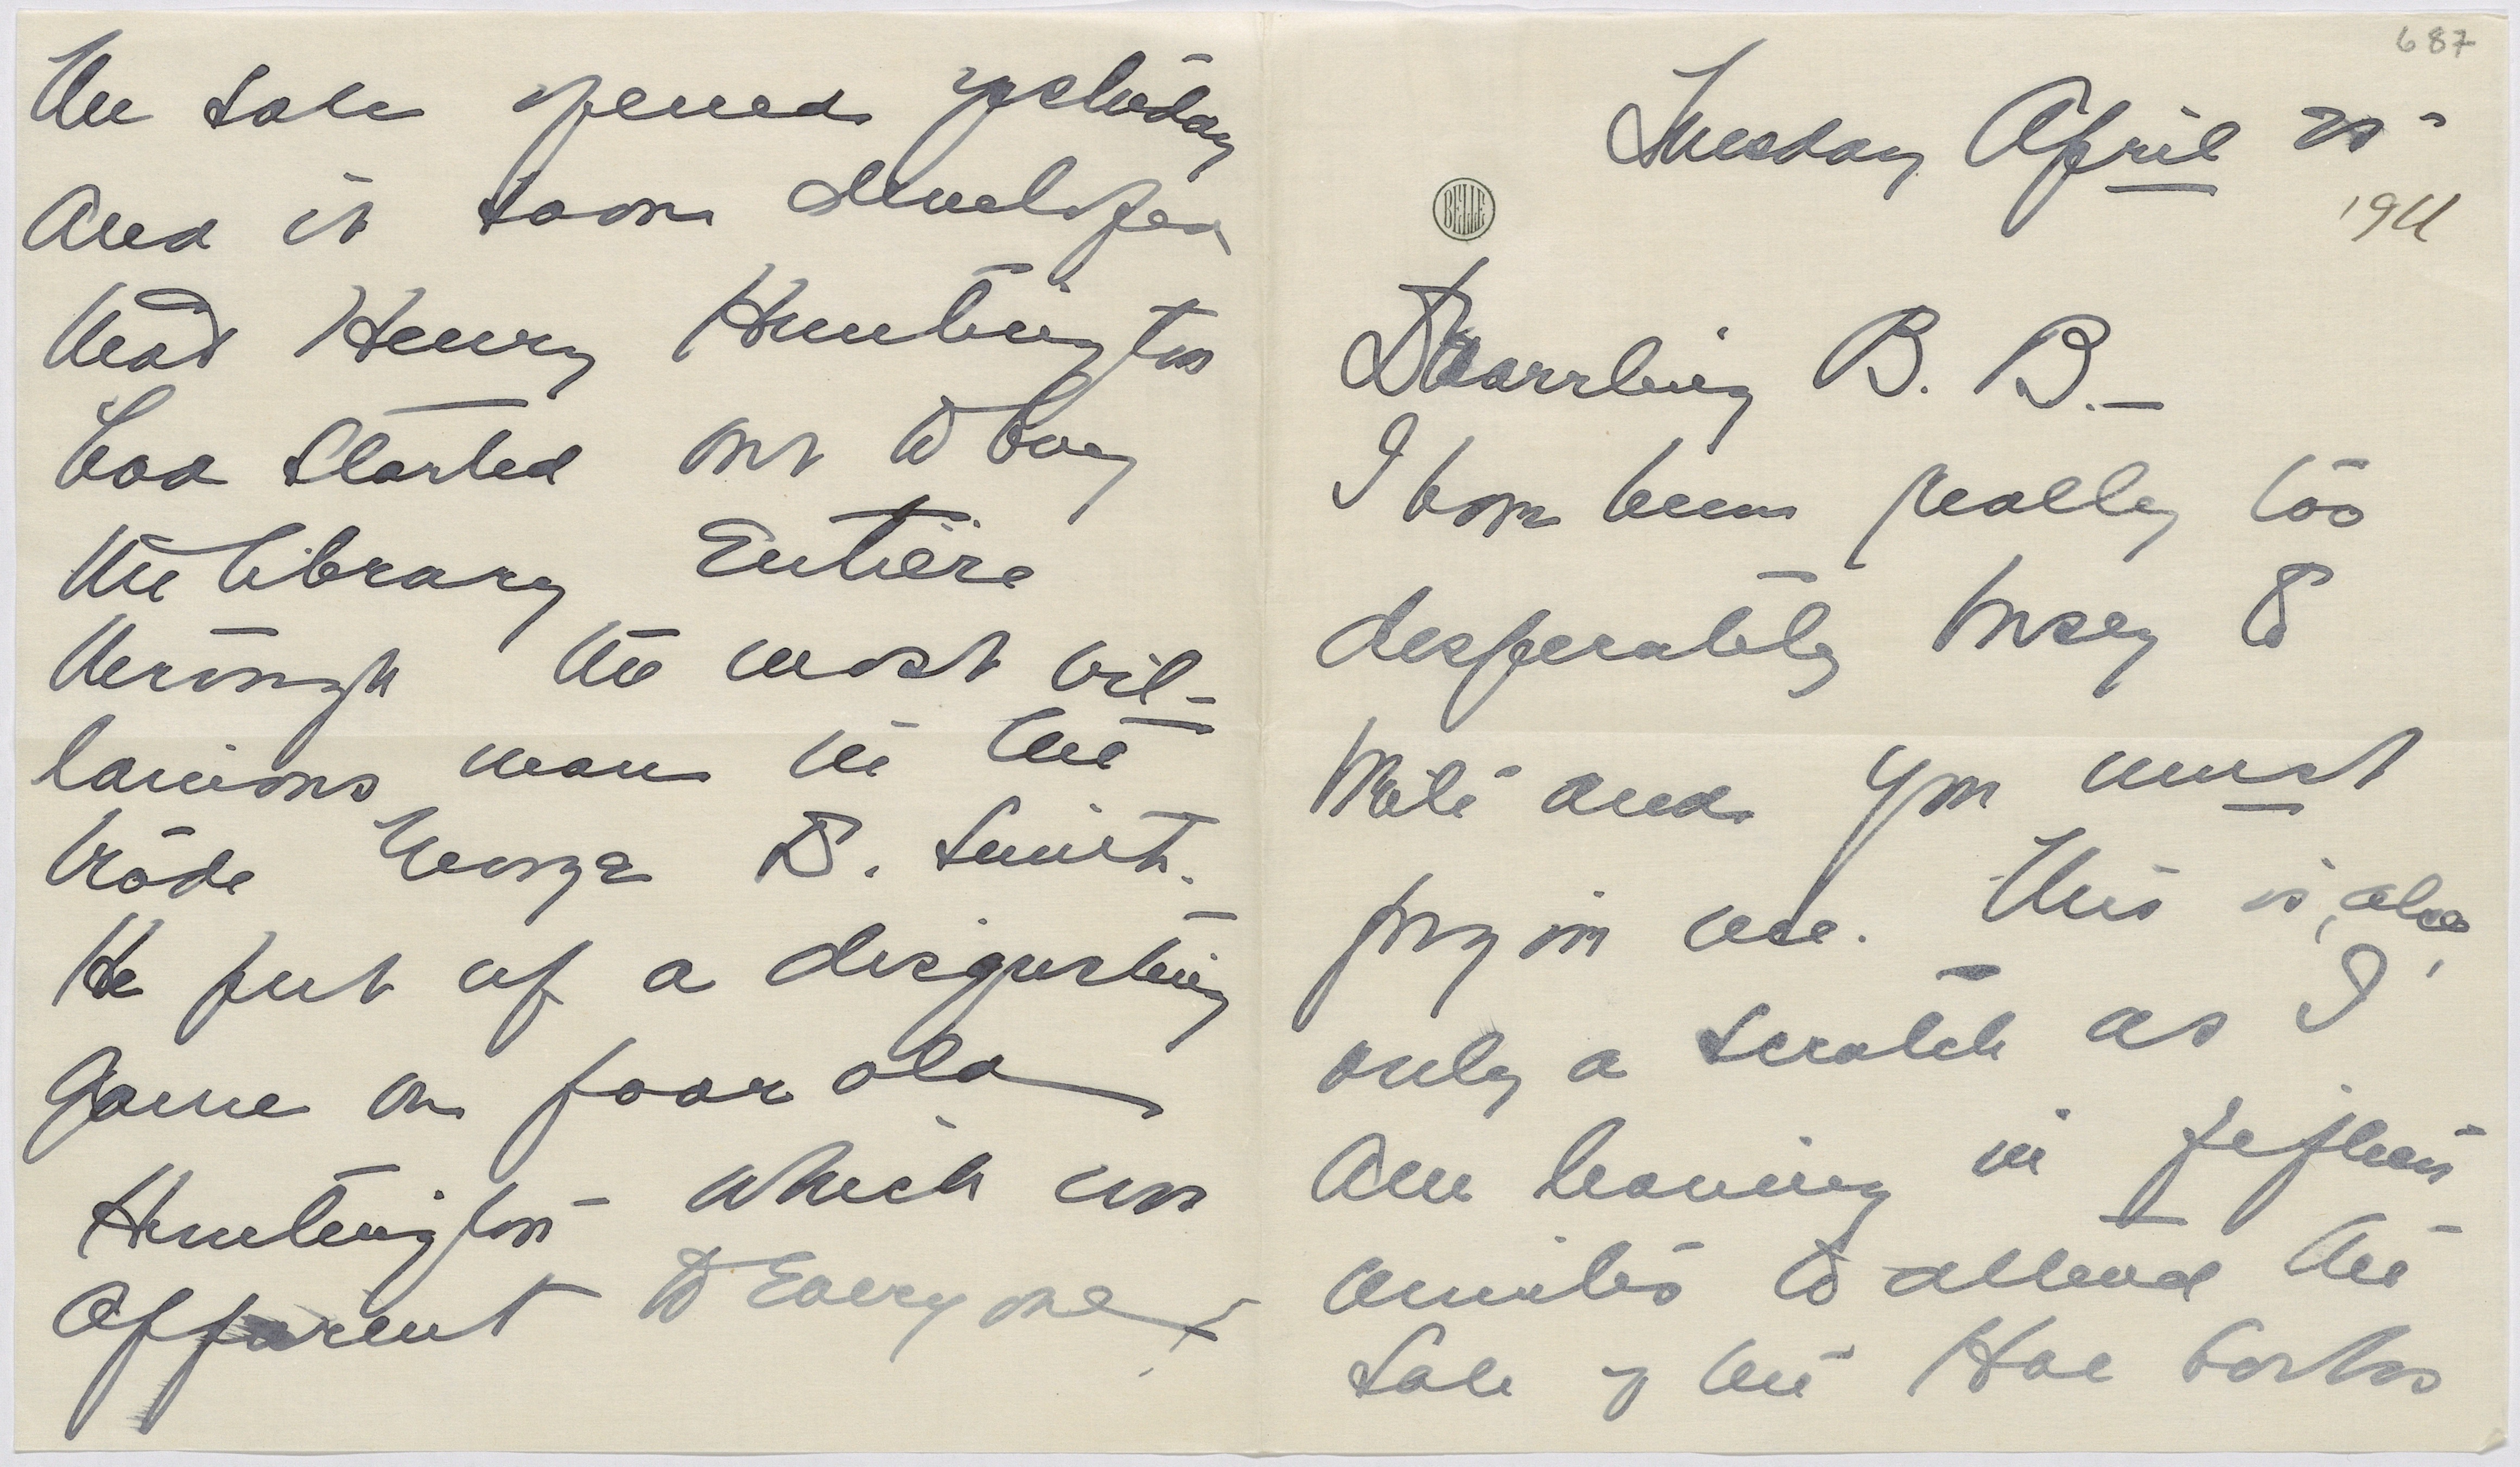Tuesday April 21 –
Daarrling B. B. –
I have been really too desperately busy to write and you must forgive me. This is also only a scratch as ‘I’ am leaving in fifteen minutes to attend the sale of the Hoe books
The sale opened yesterday and it soon developed that Henry Huntington had started out to buy the library entière through the most villainous man in the trade George D. Smith. He put up a disgusting game on poor old Huntington which was apparent to every one